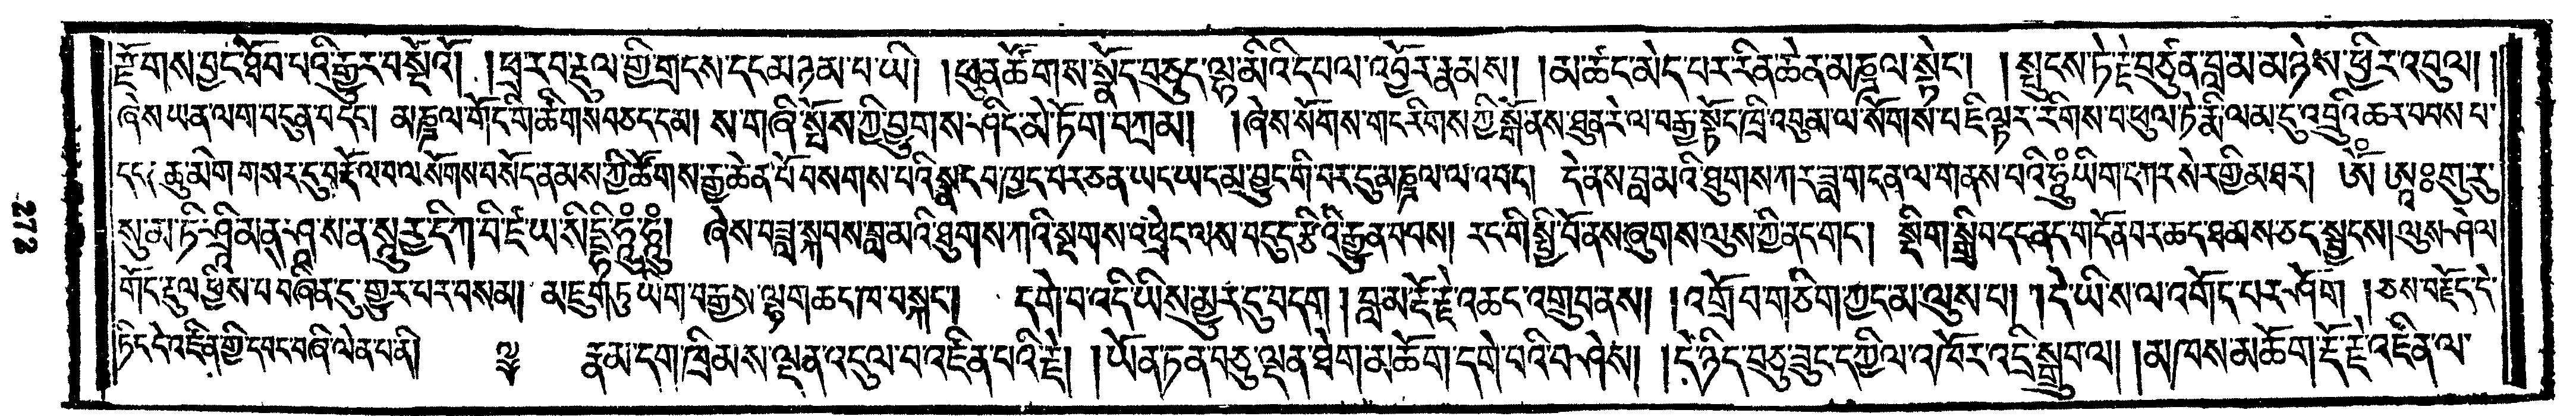རྫོགས་བྱང་ཐོབ་པའི་རྒྱུར་བསྔོའོ། །ཕྲ་རབ་རྡུལ་གྱི་གྲངས་དང་མཉམ་པ་ཡི། །ཕུན་ཚོགས་སྣོད་བཅུད་ལྷ་མིའི་དཔལ་འབྱོར་རྣམས། །མ་ཚང་མེད་པར་རིན་ཆེན་མཎྜལ་སྟེང་། །སྤུངས་ཏེ་རྗེ་བཙུན་བླ་མ་མཉེས་ཕྱིར་འབུལ། །
ཞེས་ཡན་ལག་བདུན་པ་དང་། མཎྜལ་གོང་གི་ཚིགས་བཅད་དམ། ས་གཞི་སྤོས་ཀྱི་བྱུགས་ཤིང་མེ་ཏོག་བཀྲམ། །ཞེས་སོགས་གང་རིགས་ཀྱི་སྒོ་ནས་ཐུན་རེ་ལ་བརྒྱ་སྟོང་ཁྲི་འབུམ་ལ་སོགས་པ་ཇི་ལྟར་རིགས་པ་ཕུལ་ཏེ་རྨི་ལམ་དུ་འབྲུའི་ཆར་བབས་པ་
དང༑ ཆུ་མིག་གསར་དུ་བརྡོལ་བ་ལ་སོགས་བསོད་ནམས་ཀྱི་ཚོགས་རྒྱ་ཆེན་པོ་བསགས་པའི་སྣང་བ་ཁྱད་པར་ཅན་ཡང་ཡང་མ་བྱུང་གི་བར་དུ་མཎྜལ་ལ་འབད། དེ་ནས་བླ་མའི་ཐུགས་ཀར་ཟླ་གདན་ལ་གནས་པའི་ཧཱུཾ་ཡིག་དཀར་སེར་གྱི་མཐར། ཨོཾ་ཨཱཿ གུ་རུ་
སུ་མ་ཏི་ཤྲཱི་མན་ཤཱ་ས་ན་སཱུརྱ་དིཀ་བི་ཛ་ཡ་སིདྡྷི་ཧཱུཾ་ཧཱུཾ། ཞེས་བཟླ་སྐབས་བླ་མའི་ཐུགས་ཀའི་སྔགས་འཕྲེང་ལས་བདུད་རྩིའི་རྒྱུན་བབས། རང་གི་སྤྱི་བོ་ནས་ཞུགས་ལུས་ཀྱི་ནང་གང་། སྡིག་སྒྲིབ་དང་ནད་གདོན་པར་ཆད་ཐམས་ཅད་སྦྱངས། ལུས་ཤེལ་
གོང་རྡུལ་ཕྱིས་པ་བཞིན་དུ་གྱུར་པར་བསམ། མཇུག་ཏུ་ཡིག་བརྒྱས་ལྷག་ཆང་ཁ་བསྐང་། དགེ་བ་འདི་ཡིས་མྱུར་དུ་བདག །བླ་མ་རྡོ་རྗེ་འཆང་འགྲུབ་ནས། །འགྲོ་བ་གཅིག་ཀྱང་མ་ལུས་པ། །དེ་ཡི་ས་ལ་འགོད་པར་ཤོག །ཅས་བརྗོད་དེ་
ཏིང་ངེ་འཛིན་གྱི་དབང་བཞི་ལེན་པ་ནི། ༈ རྣམ་དག་ཁྲིམས་ལྡན་འདུལ་བ་འཛིན་པའི་རྗེ། །ཡོན་ཏན་བཅུ་ལྡན་ཐེག་མཆོག་དགེ་བའི་བཤེས། །དེ་ཉིད་བཅུ་ཟུང་དཀྱིལ་འཁོར་འདྲི་སྒྲུབ་ལ། །མཁས་མཆོག་རྡོ་རྗེ་འཛིན་ལ་